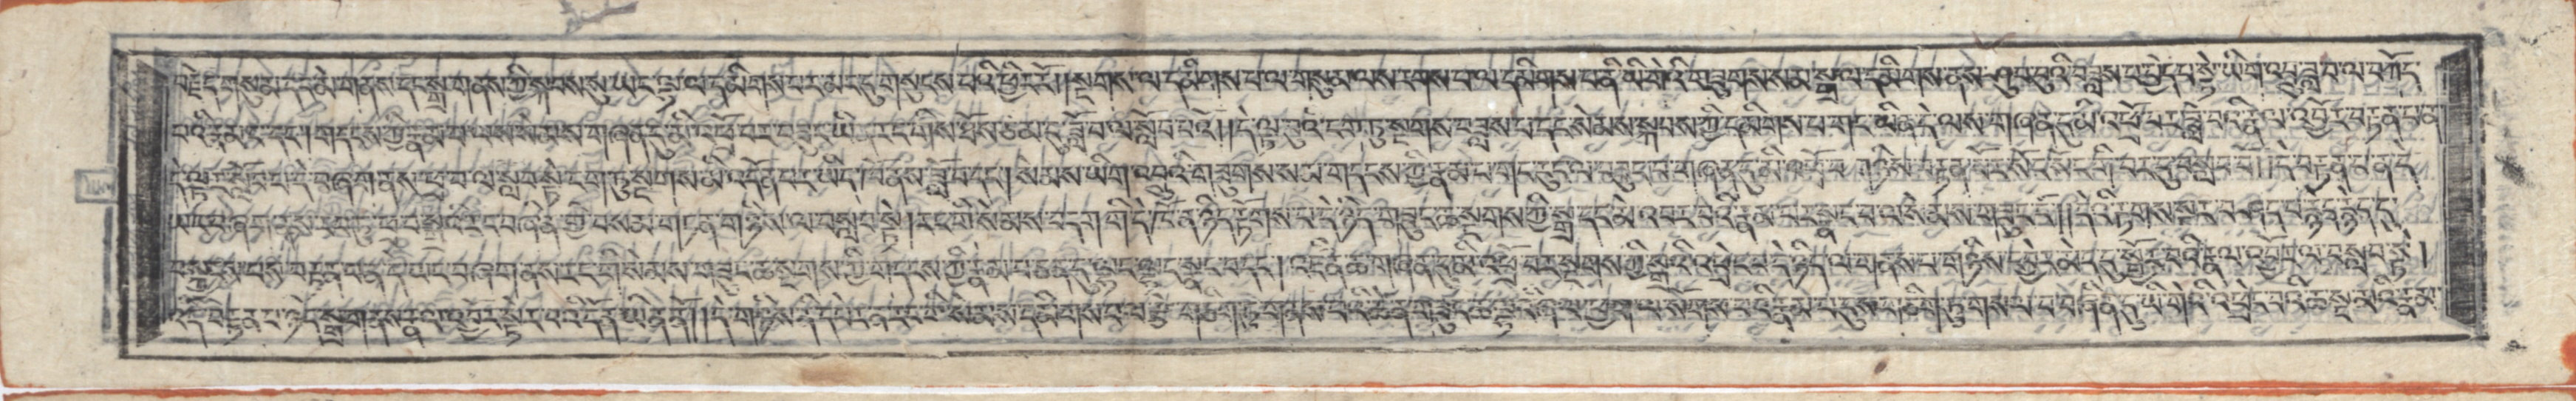བརྗོད་གསུམ་དང་མེ་གནས་དང་སྒྲ་གནས་ཀྱི་སྐབས་སུ་ཡང་ལྷ་ལ་དམིགས་པར་མང་དུ་གསུངས་པའི་ཕྱིར་རོ། །སྔགས་ལ་དམིགས་པ་ལ་གསུམ་ལས་རགས་པ་ལ་དམིགས་པ་ནི་ཡི་གེའི་གཟུགས་སམ་སྒྲ་ལ་དམིགས་ནས་ཤུབ་བུའི་བཟླས་པ་བྱེད་པ་སྟེ་ཡིག་འབྲུ་ཟླ་བ་ལ་བཀོད་
པའི་རྣམ་པ་དང་། གདངས་ཀྱི་རྣམ་པ་ལས་སེམས་གཞན་དུ་མི་འཕྲོ་བར་བཟུང་ཡིན་རང་གིས་ཐོས་ཙམ་དུ་ཟློ་བ་ལ་སློབ་པའོ། །དེ་ལྟ་བུའི་ངག་ཏུ་སྔགས་བཟླས་པ་དང་སེམས་སྐབས་ཀྱི་དམིགས་པ་གང་ཡིན་དེ་ལས་གཞན་དུ་མི་འཕྲོ་བར་ཟློ་བའི་རྣལ་འབྱོར་བརྟན་པ་ན་
དེ་ལྟར་སློབ་པ་དེ་བཞག་ནས་ཕྲ་བ་ལ་སློབ་སྟེ་ངག་ཏུ་སྔགས་མི་འདོན་པར་ཡིད་ཁོ་ནས་ཟློ་བ་དང་། སེམས་ཡིག་འབྲུའི་གཟུགས་སམ་གདངས་ཀྱི་རྣམ་པ་གང་རུང་ལ་བཟུང་བ་གཞན་དུ་མི་འཕྲོ་བ་གཉིས་བརྟན་པོར་སོང་སོང་གི་བར་དུ་བསླབ་བོ། །དེ་བརྟན་པ་ན་དེ་
ཡང་བཞག་ནས་རབ་ཏུ་ཕྲ་བ་སྒྲའི་རང་བཞིན་གྱི་བསམ་གཏན་གཉིས་ལ་བསླབ་སྟེ། རང་གི་སེམས་བདག་གི་དེ་ཁོ་ན་ཉིད་རྟོགས་པ་དེ་ཉིད་གཟུང་ཆ་སྔགས་ཀྱི་སྒྲ་དང་མེ་འབར་བའི་རྣམ་པར་སྣང་བ་ལ་སེམས་གཟུང་ངོ། །དེའི་རྟགས་སྔར་བཤད་པ་རྙེད་རྙེད་དུ་
བསྐྱངས་པས་བརྟན་པ་ན་དེ་ཡང་བཞག་ནས་རང་གི་སེམས་གཟུང་ཆ་སྔགས་ཀྱི་གདངས་ཀྱི་རྣམ་པ་ཅན་དུ་ལྷང་ལྷང་སྣང་བ་དང་། འཛིན་ཆ་གཞན་དུ་མི་འཕྲོ་བར་སྔགས་ཀྱི་སྒྲའི་འཕྲེང་བ་དེ་ཉིད་ལ་གནས་པ་གཉིས་དབྱེར་མེད་དུ་སྦྱོར་བའི་རྣལ་འབྱོར་ལ་བསླབ་སྟེ།
འདི་བརྟན་པ་ཉིད་སྒྲ་གནས་རྣལ་འབྱོར་སྟེར་བའི་དོན་ཡིན་ནོ། །དེ་གཉིས་ནི་དཔེར་ན་རང་གི་སེམས་དམིགས་པ་ལ་རྩེ་གཅིག་ཏུ་གནས་པའི་ཚེ་ན་གཟུང་ཆ་ལྷའི་ཞལ་ཕྱག་ལ་སོགས་པའི་རྣམ་པ་དུས་གཅིག་ཏུ་གསལ་བ་བཞིན་དུ་ཡི་གེའི་འཕྲེང་བའི་ཆ་སྔ་མའི་རྣམ་